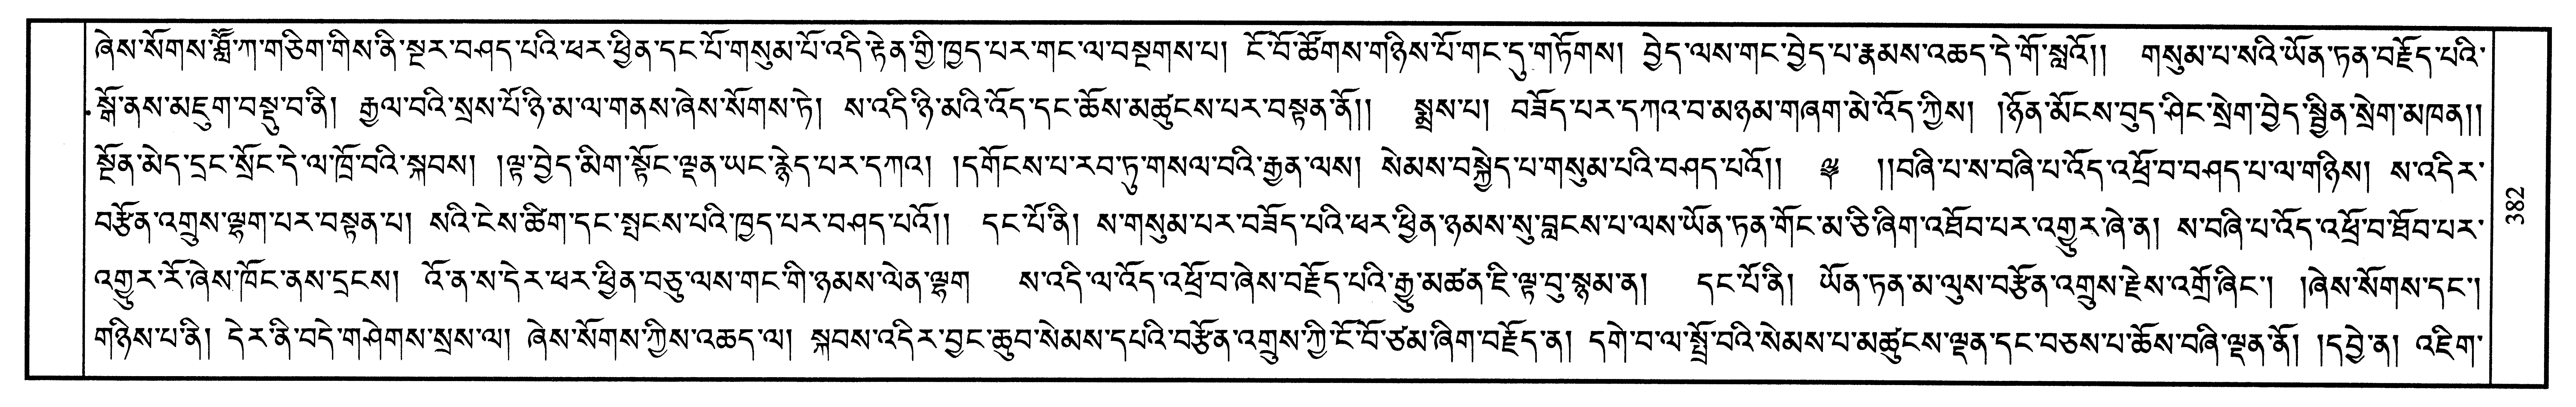ཞེས་སོགས་ཤླཽ་ཀ་གཅིག་གིས་ནི་སྔར་བཤད་པའི་ཕར་ཕྱིན་དང་པོ་གསུམ་པོ་འདི་རྟེན་གྱི་ཁྱད་པར་གང་ལ་བསྔགས་པ། ངོ་བོ་ཚོགས་གཉིས་པོ་གང་དུ་གཏོགས། བྱེད་ལས་གང་བྱེད་པ་རྣམས་འཆད་དེ་གོ་སླའོ།། གསུམ་པ་སའི་ཡོན་ཏན་བརྗོད་པའི་
སྒོ་ནས་མཇུག་བསྡུ་བ་ནི། རྒྱལ་བའི་སྲས་པོ་ཉི་མ་ལ་གནས་ཞེས་སོགས་ཏེ། ས་འདི་ཉི་མའི་འོད་དང་ཆོས་མཚུངས་པར་བསྟན་ནོ།། སྨྲས་པ། བཟོད་པར་དཀའ་བ་མཉམ་གཞག་མེ་འོད་ཀྱིས། །ཉོན་མོངས་བུད་ཤིང་སྲེག་བྱེད་སྦྱིན་སྲེག་མཁན།།
སྔོན་མེད་དྲང་སྲོང་དེ་ལ་ཁྲོ་བའི་སྐབས། །ལྟ་བྱེད་མིག་སྟོང་ལྡན་ཡང་རྙེད་པར་དཀའ། །དགོངས་པ་རབ་ཏུ་གསལ་བའི་རྒྱན་ལས། སེམས་བསྐྱེད་པ་གསུམ་པའི་བཤད་པའོ།། ༈ །།བཞི་པ་ས་བཞི་པ་འོད་འཕྲོ་བ་བཤད་པ་ལ་གཉིས། ས་འདིར་
བརྩོན་འགྲུས་ལྷག་པར་བསྟན་པ། སའི་ངེས་ཚིག་དང་སྤངས་པའི་ཁྱད་པར་བཤད་པའོ།། དང་པོ་ནི། ས་གསུམ་པར་བཟོད་པའི་ཕར་ཕྱིན་ཉམས་སུ་བླངས་པ་ལས་ཡོན་ཏན་གོང་མ་ཅི་ཞིག་འཐོབ་པར་འགྱུར་ཞེ་ན། ས་བཞི་པ་འོད་འཕྲོ་བ་ཐོབ་པར་
འགྱུར་རོ་ཞེས་ཁོང་ནས་དྲངས། འོ་ན་ས་དེར་ཕར་ཕྱིན་བཅུ་ལས་གང་གི་ཉམས་ལེན་ལྷག །ས་འདི་ལ་འོད་འཕྲོ་བ་ཞེས་བརྗོད་པའི་རྒྱུ་མཚན་ཇི་ལྟ་བུ་སྙམ་ན། དང་པོ་ནི། ཡོན་ཏན་མ་ལུས་བརྩོན་འགྲུས་རྗེས་འགྲོ་ཞིང་། །ཞེས་སོགས་དང་།
གཉིས་པ་ནི། དེར་ནི་བདེ་གཤེགས་སྲས་ལ། ཞེས་སོགས་ཀྱིས་འཆད་ལ། སྐབས་འདིར་བྱང་ཆུབ་སེམས་དཔའི་བརྩོན་འགྲུས་ཀྱི་ངོ་བོ་ཙམ་ཞིག་བརྗོད་ན། དགེ་བ་ལ་སྤྲོ་བའི་སེམས་པ་མཚུངས་ལྡན་དང་བཅས་པ་ཆོས་བཞི་ལྡན་ནོ། །དབྱེ་ན། འཇིག་